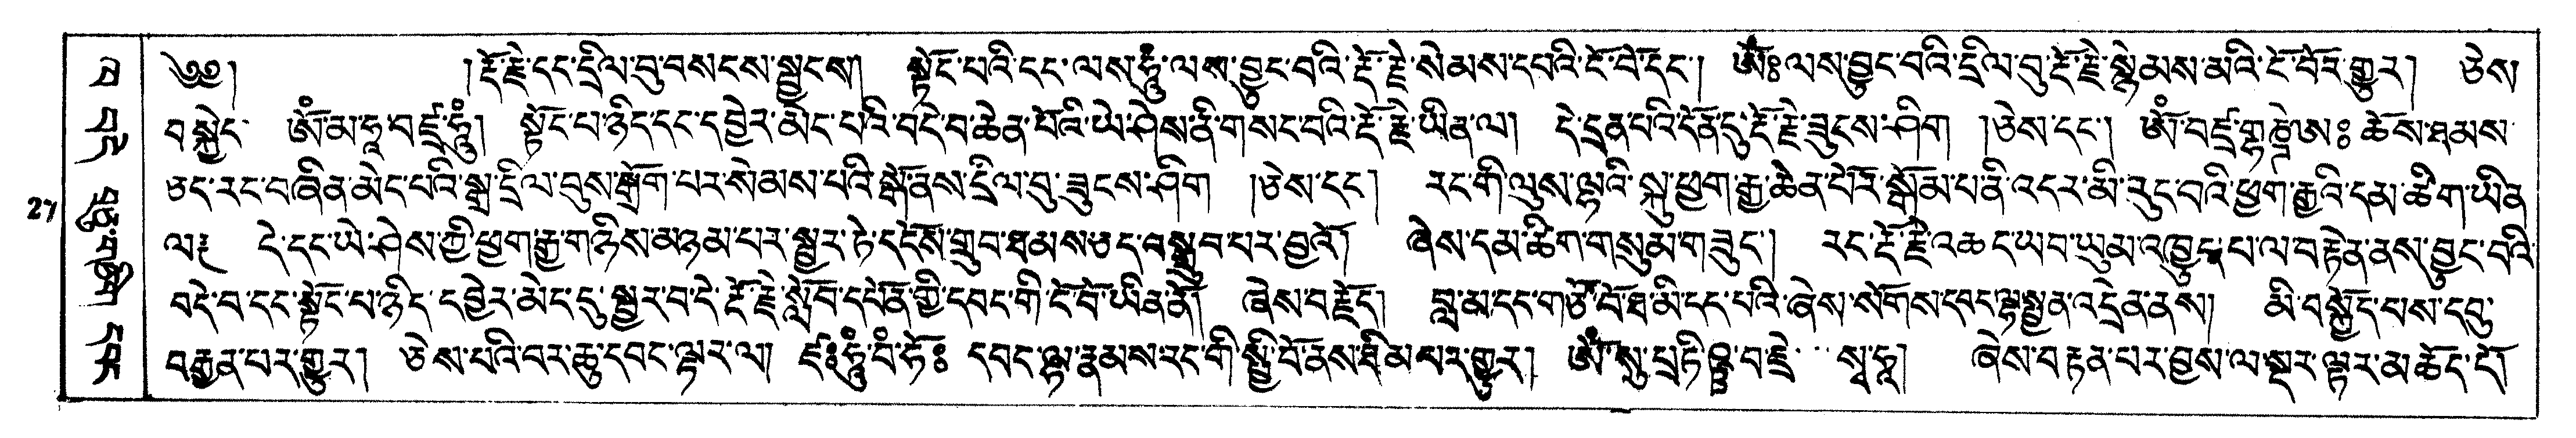༄༅། །རྡོ་རྗེ་དང་དྲིལ་བུ་བསངས་སྦྱངས། སྟོང་པའི་ངང་ལས་ཧཱུཾ་ལས་བྱུང་བའི་རྡོ་རྗེ་སེམས་དཔའི་ངོ་བོ་དང་། ཨོཾཿ ལས་བྱུང་བའི་དྲིལ་བུ་རྡོ་རྗེ་སྙེམས་མའི་ངོ་བོར་གྱུར། ཅེས་
བསྐྱེད་ཨོཾ་མ་ཧཱ་བཛྲ་ཧཱུཾ། སྟོང་པ་ཉིད་དང་དབྱེར་མེད་པའི་བདེ་བ་ཆེན་པོའི་ཡེ་ཤེས་ནི་གསང་བའི་རྡོ་རྗེ་ཡིན་ལ། དེ་དྲན་པའི་དོན་དུ་རྡོ་རྗེ་ཟུངས་ཤིག །ཅེས་དང་། ཨོཾ་བྫྲ་གྷཎྜེ་ཨཿ ཆོས་ཐམས་
ཅད་རང་བཞིན་མེད་པའི་སྒྲ་དྲིལ་བུས་སྒྲོག་པར་སེམས་པའི་སྒོ་ནས་དྲིལ་བུ་ཟུངས་ཤིག །ཅེས་དང་། རང་གི་ལུས་ལྷའི་སྐུ་ཕྱག་རྒྱ་ཆེན་པོར་སྒོམ་པ་ནི་འདར་མི་རུང་བའི་ཕྱག་རྒྱའི་དམ་ཚིག་ཡིན་
ལ༑ དེ་དང་ཡེ་ཤེས་ཀྱི་ཕྱག་རྒྱ་གཉིས་མཉམ་པར་སྦྱར་ཏེ་དངོས་གྲུབ་ཐམས་ཅད་བསྒྲུབ་པར་བྱའོ། ཞེས་དམ་ཚིག་གསུམ་གཟུང་། རང་རྡོ་རྗེ་འཆང་ཡབ་ཡུམ་འཁྱུད་པ་ལ་བརྟེན་ནས་བྱུང་བའི་
བདེ་བ་དང་སྟོང་པ་ཉིད་དབྱེར་མེད་དུ་སྦྱར་བ་དེ་རྡོ་རྗེ་སློབ་དཔོན་གྱི་དབང་གི་ངོ་བོ་ཡིན་ནོ། ཞེས་བརྗོད། བླ་མ་དང་གཙོ་བོ་ཐ་མི་དད་པའི་ཞེས་སོགས་དབང་ལྷ་སྤྱན་འདྲེན་ནས། མི་བསྐྱོད་པས་དབུ་
བརྒྱན་པར་གྱུར། ཅེས་པའི་བར་ཆུ་དབང་ལྟར་ལ། ཛཿ ཧཱུཾ་བཾ་ཧོཿ དབང་ལྷ་རྣམས་རང་གི་སྤྱི་བོ་ནས་ཐིམ་པར་གྱུར། ཨོཾ་སུ་པྲཏི་ཥཊཿཨ་བ་ཛྲེ་སཱ་ཧཱ། ཞེས་བརྟན་པར་བྱས་ལ་སྔར་ལྟར་མཆོད་དོ།